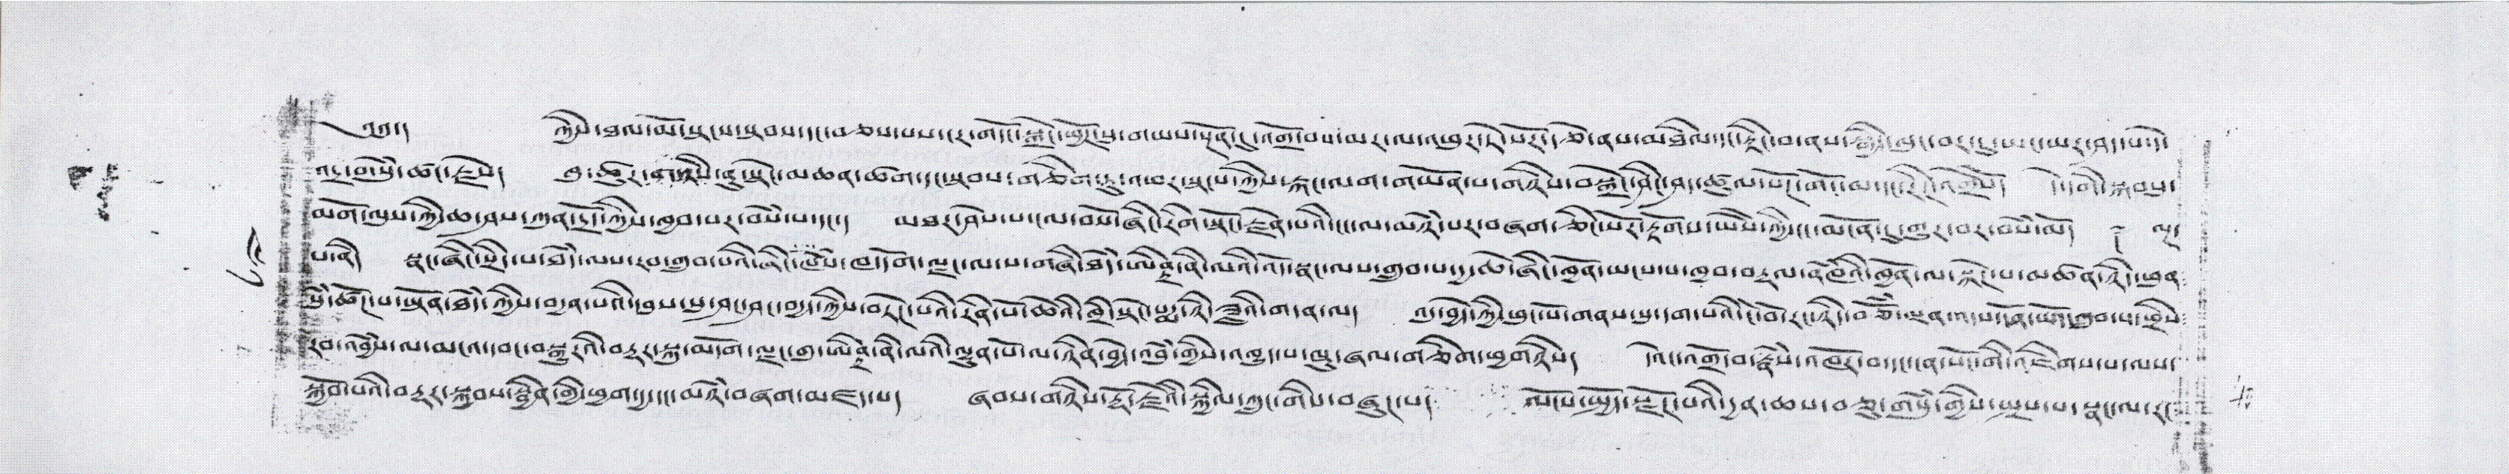ཀྱིས་ཐལ་མོ་སྟང་སྟབས་དང་བཅས་པས་ངར་གདོང་བསྒྲེང་ཕྱོགས་སུ་གཡས་སྔོན་དུ་འགྲོ་བས་མར་ལ་འཕུར་ཏེ་སོར་རྩེ་ནས་མཐིལ་དང་རྟིང་པ་ནས་སྒྱིད་ཁུང་བར་དུ་ཡང་ཡར་ཤད་པ་དེ་
འདྲ་གསུམ་ཚར་རྗེས། ཁུ་ཚུར་གཉིས་ནུ་སྟེང་མཆན་ཚག་དང་སྟབས་གཅིག་ཏུ་འཕར་སྟངས་ཀྱིས་རྐང་ལག་གཡོན་པ་གཉིས་བསྒྲེང་ཞིང་ཤད་ཚུལ་སོགས་གོང་མ་དང་རིགས་འགྲེས་སོ། དེ་དག་གི་སྐབས་སུ་
མགོ་ལུས་ཀྱི་ཆ་ཤས་ཀུན་དྲོད་ཀྱིས་ཁྱབ་པར་བསམ་པ་དང་། མཐར་ཤེས་པ་ངལ་བསོ་ཞིང་རིག་སྟོང་རྗེན་པའི་ངང་ལ་མཉམ་པར་བཞག་ཅིང་སོར་རྟོགས་ཡེ་ཤེས་ཀྱི་ངང་མངོན་དུ་གྱུར་པར་བསམ་མོ།། ༧ ལྔ་
པ་ནི། སྣང་ཞིང་སྲིད་པ་ཐམས་ཅད་ལས་རབ་གྲུབ་པའི་ཞིང་ཁམས་ཁ་དོག་ལྗང་ལ་ས་གཞི་ཐམས་ཅད་ཨིནྜ་ནི་ལའི་འོད་སྣང་ལས་གྲུབ་པ་རྒྱ་ཆེ་ཞིང་ཁྱོན་ཡངས་པ་ཁྱབ་བརྡལ་ནམ་མཁའི་ཁྱོན་ལ་སྙེགས་པ་མཚན་ཉིད་ཕུན་
སུམ་ཚོགས་པ་ཡོན་ཏན་ཐམས་ཅད་ཀྱིས་བརྒྱན་པའི་དབུས་སུ་ཤང་ཤང་བརྒྱད་ཀྱིས་བཏེགས་པའི་རིན་པོ་ཆེའི་ཁྲི་སྟེང་པདྨ་ཉི་ཟླའི་གདན་ལ། འདུ་བྱེད་ཀྱི་ཕུང་པོ་གནས་སུ་དག་པའི་ངོ་བོ། རང་ཉིད་བཅོམ་ལྡན་དོན་ཡོད་གྲུབ་པ་ཕྲིན་ལས་
རབ་འབྱམས་ལ་མངའ་དབང་བསྒྱུར་བའི་བརྡར་སྐུ་མདོག་ལྗང་གུ་ཨིནྜ་ནི་ལའི་ཆུན་པོ་ལ་ཉིན་བྱེད་འབུམ་གྱིས་འཁྱུད་པ་ལྟ་བུ་ཞལ་གཅིག་ཕྱག་གཉིས། དེ་ཡང་འགྲོ་བ་རྣམས་འཁོར་བ་ངན་སོང་གི་འཇིགས་པ་ལས་
སྐྱོབ་པའི་བརྡར་སྐྱབས་སྦྱིན་གྱི་ཕྱག་རྒྱ་དང་མཉམ་གཞག་མཛད་པ། ཞབས་གཉིས་རྡོ་རྗེའི་སྐྱིལ་ཀྲུང་གིས་བཞུགས་པ། ལོངས་སྤྱོད་རྫོགས་པའི་རྒྱན་ཆས་བཅུ་གསུམ་གྱིས་སྤྲས་པ་སྣང་ལ་རང་